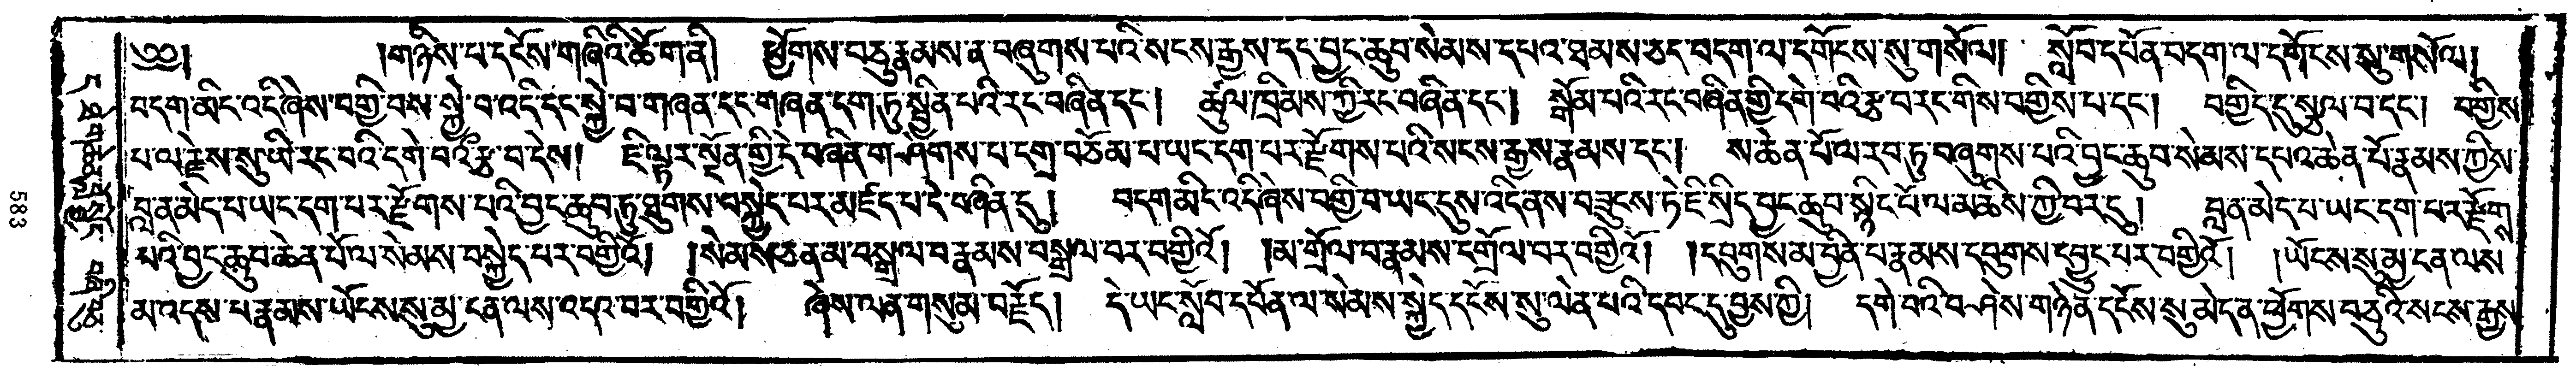༄༅། །གཉིས་པ་དངོས་གཞིའི་ཆོ་ག་ནི། ཕྱོགས་བཅུ་རྣམས་ན་བཞུགས་པའི་སངས་རྒྱས་དང་བྱང་ཆུབ་སེམས་དཔའ་ཐམས་ཅད་བདག་ལ་དགོངས་སུ་གསོལ། སློབ་དཔོན་བདག་ལ་དགོངས་སུ་གསོལ།
བདག་མིང་འདི་ཞེས་བགྱི་བས་སྐྱེ་བ་འདི་དང་སྐྱེ་བ་གཞན་དང་གཞན་དག་ཏུ་སྦྱིན་པའི་རང་བཞིན་དང་། ཚུལ་ཁྲིམས་ཀྱི་རང་བཞིན་དང་། སྒོམ་པའི་རང་བཞིན་གྱི་དགེ་བའི་རྩ་བ་རང་གིས་བགྱིས་པ་དང་། བགྱིད་དུ་སྩལ་བ་དང་། བགྱིས་
པ་ལ་རྗེས་སུ་ཡི་རང་བའི་དགེ་བའི་རྩ་བ་དེས། ཇི་ལྟར་སྔོན་གྱི་དེ་བཞིན་གཤེགས་པ་དགྲ་བཅོམ་པ་ཡང་དག་པར་རྫོགས་པའི་སངས་རྒྱས་རྣམས་དང་། ས་ཆེན་པོ་ལ་རབ་ཏུ་བཞུགས་པའི་བྱང་ཆུབ་སེམས་དཔའ་ཆེན་པོ་རྣམས་ཀྱིས་
བླ་ན་མེད་པ་ཡང་དག་པར་རྫོགས་པའི་བྱང་ཆུབ་ཏུ་ཐུགས་བསྐྱེད་པར་མཛད་པ་དེ་བཞིན་དུ། བདག་མིང་འདི་ཞེས་བགྱི་བ་ཡང་དུས་འདི་ནས་བཟུངས་ཏེ་ཇི་སྲིད་བྱང་ཆུབ་སྙིང་པོ་ལ་མཆིས་ཀྱི་བར་དུ། བླ་ན་མེད་པ་ཡང་དག་པར་རྫོགས་
པའི་བྱང་ཆུབ་ཆེན་པོ་ལ་སེམས་བསྐྱེད་པར་བགྱིའོ། །སེམས་ཅན་མ་བསྒྲལ་བ་རྣམས་བསྒྲལ་བར་བགྱིའོ། །མ་གྲོལ་བ་རྣམས་དགྲོལ་བར་བགྱིའོ། །དབུགས་མ་བྱིན་པ་རྣམས་དབུགས་དབྱུང་པར་བགྱིའོ། །ཡོངས་སུ་མྱ་ངན་ལས་
མ་འདས་པ་རྣམས་ཡོངས་སུ་མྱ་ངན་ལས་འདའ་བར་བགྱིའོ། །ཞེས་ལན་གསུམ་བརྗོད། དེ་ཡང་སློབ་དཔོན་ལ་སེམས་སྐྱེད་དངོས་སུ་ལེན་པའི་དབང་དུ་བྱས་ཀྱི། དགེ་བའི་བཤེས་གཉེན་དངོས་སུ་མེད་ན་ཕྱོགས་བཅུའི་སངས་རྒྱས་